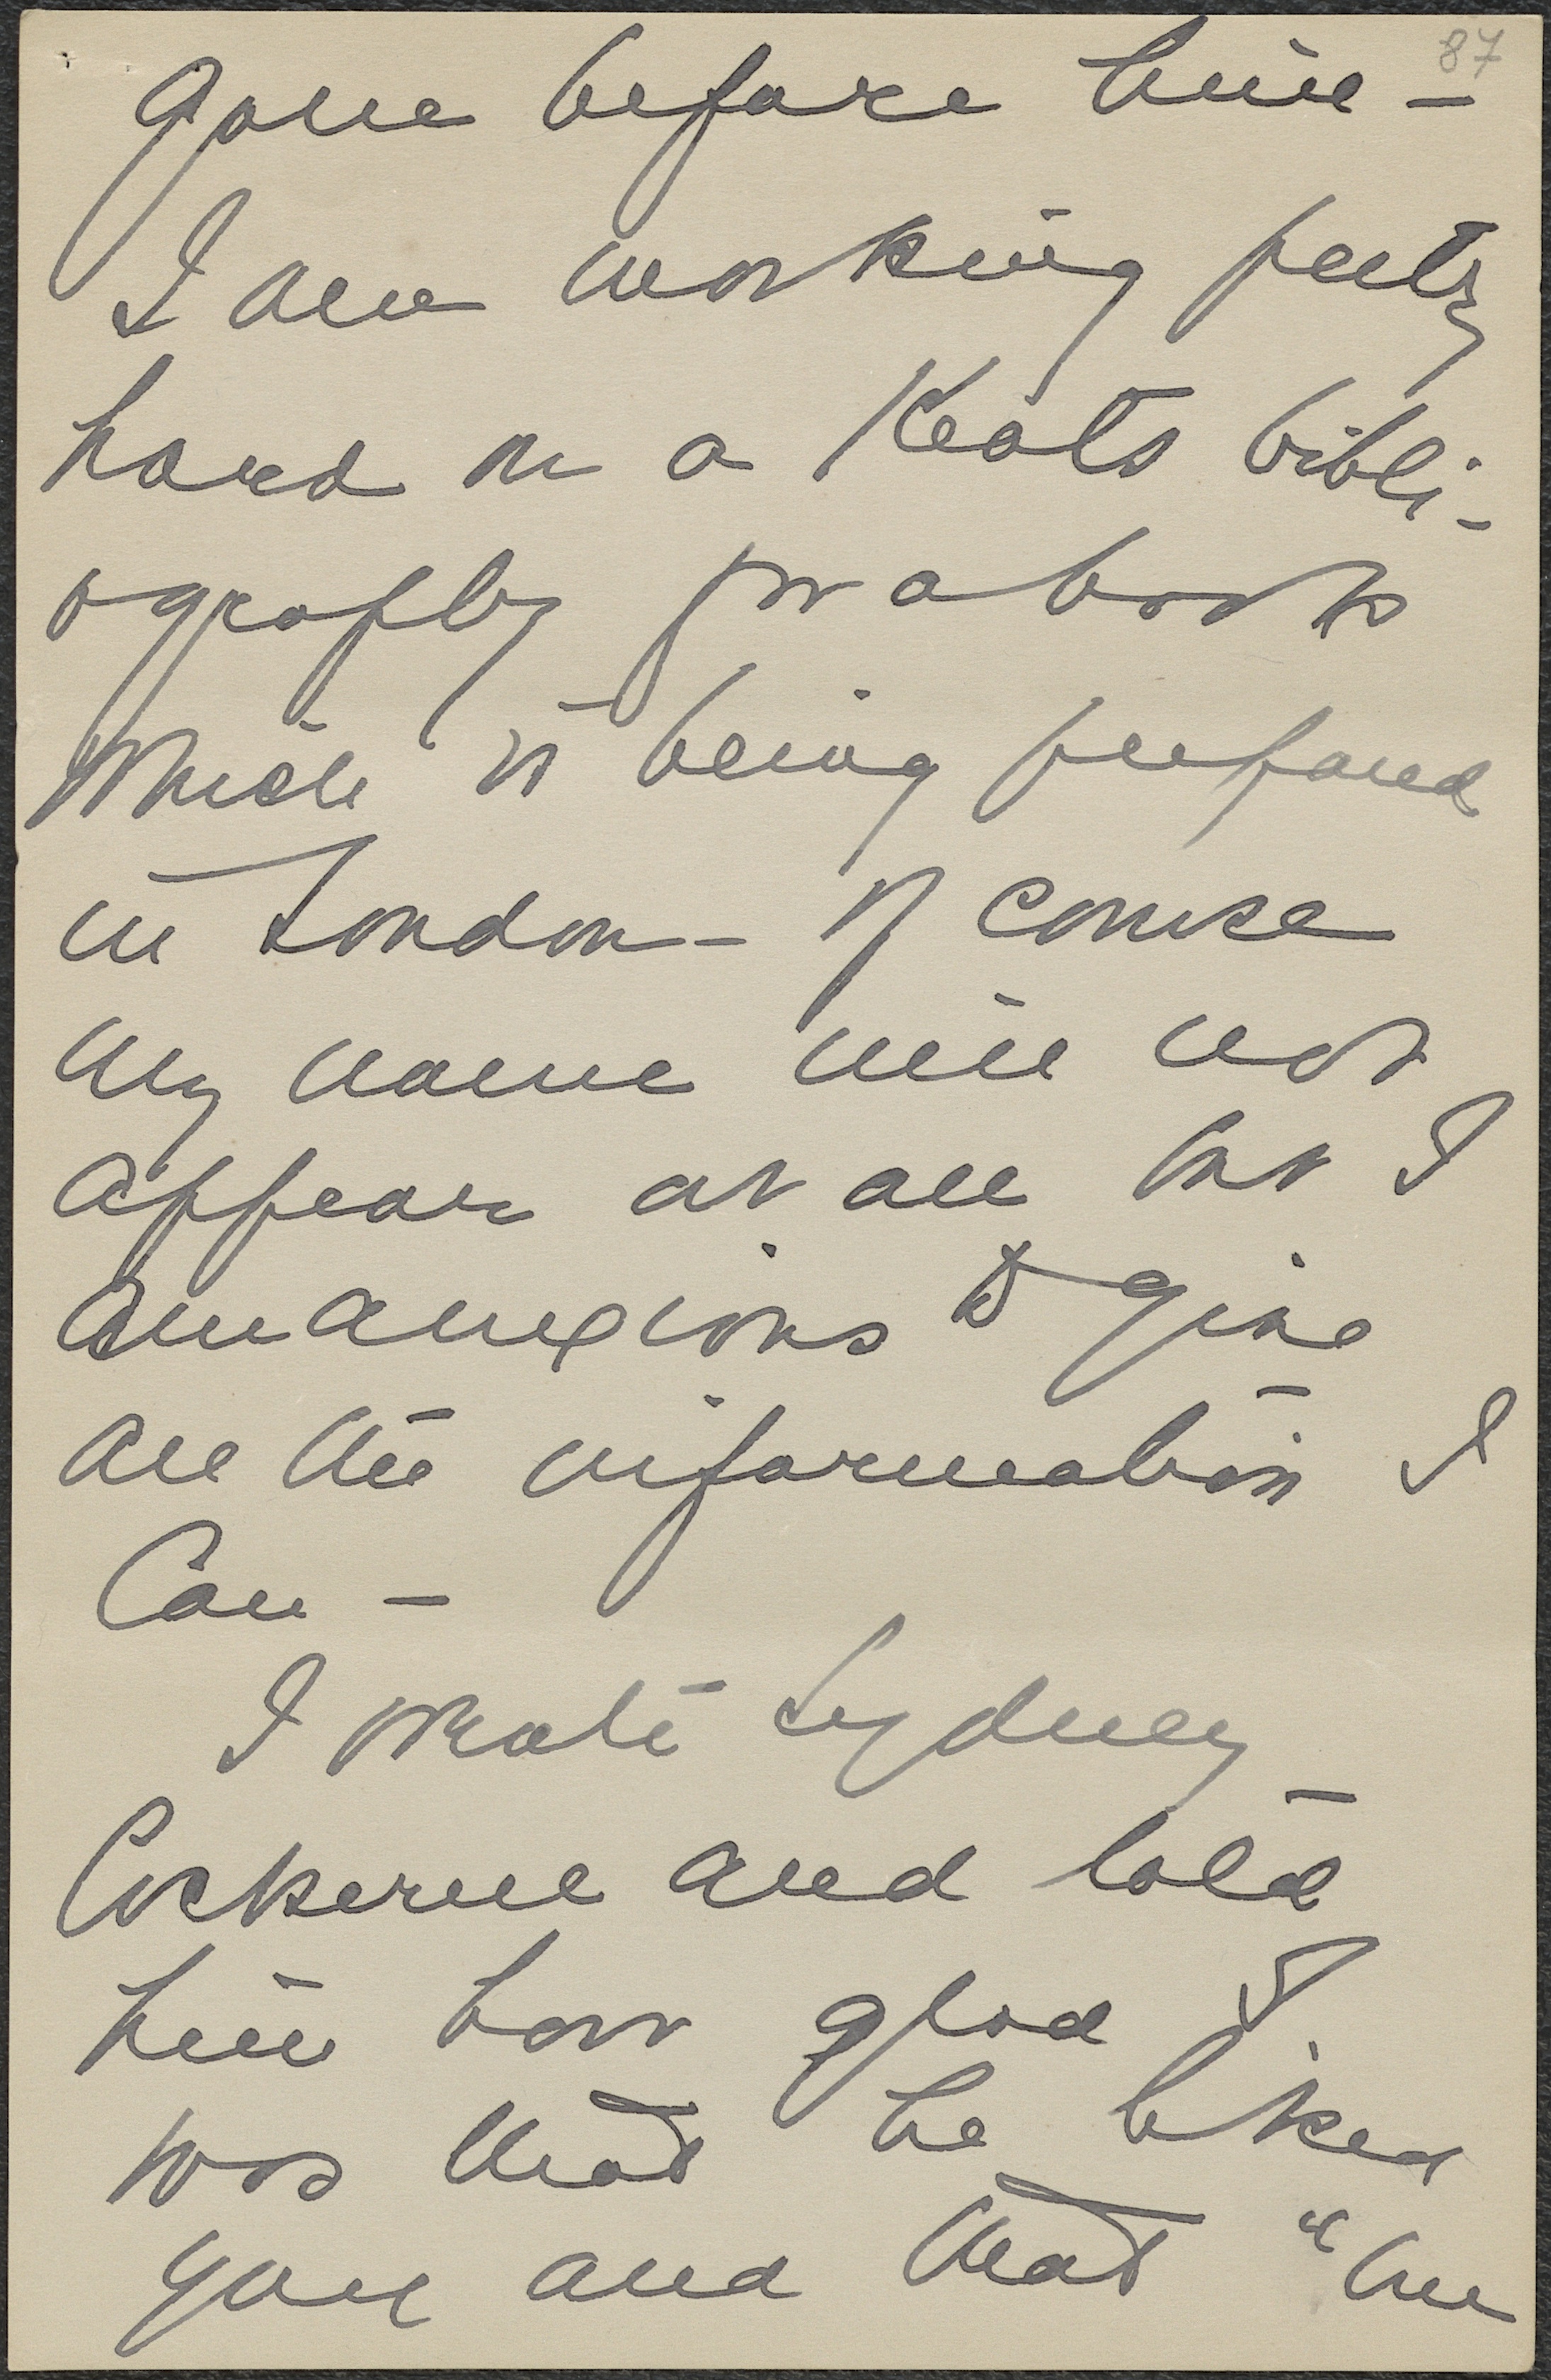gone before him – I am working pretty hard on a Keats bibliography for a book which is being prepared in London – of course my name will not appear at all but I am anxious to give all the information I can –
I wrote Sydney Cockerell and told him how glad I was that he liked you and the “we